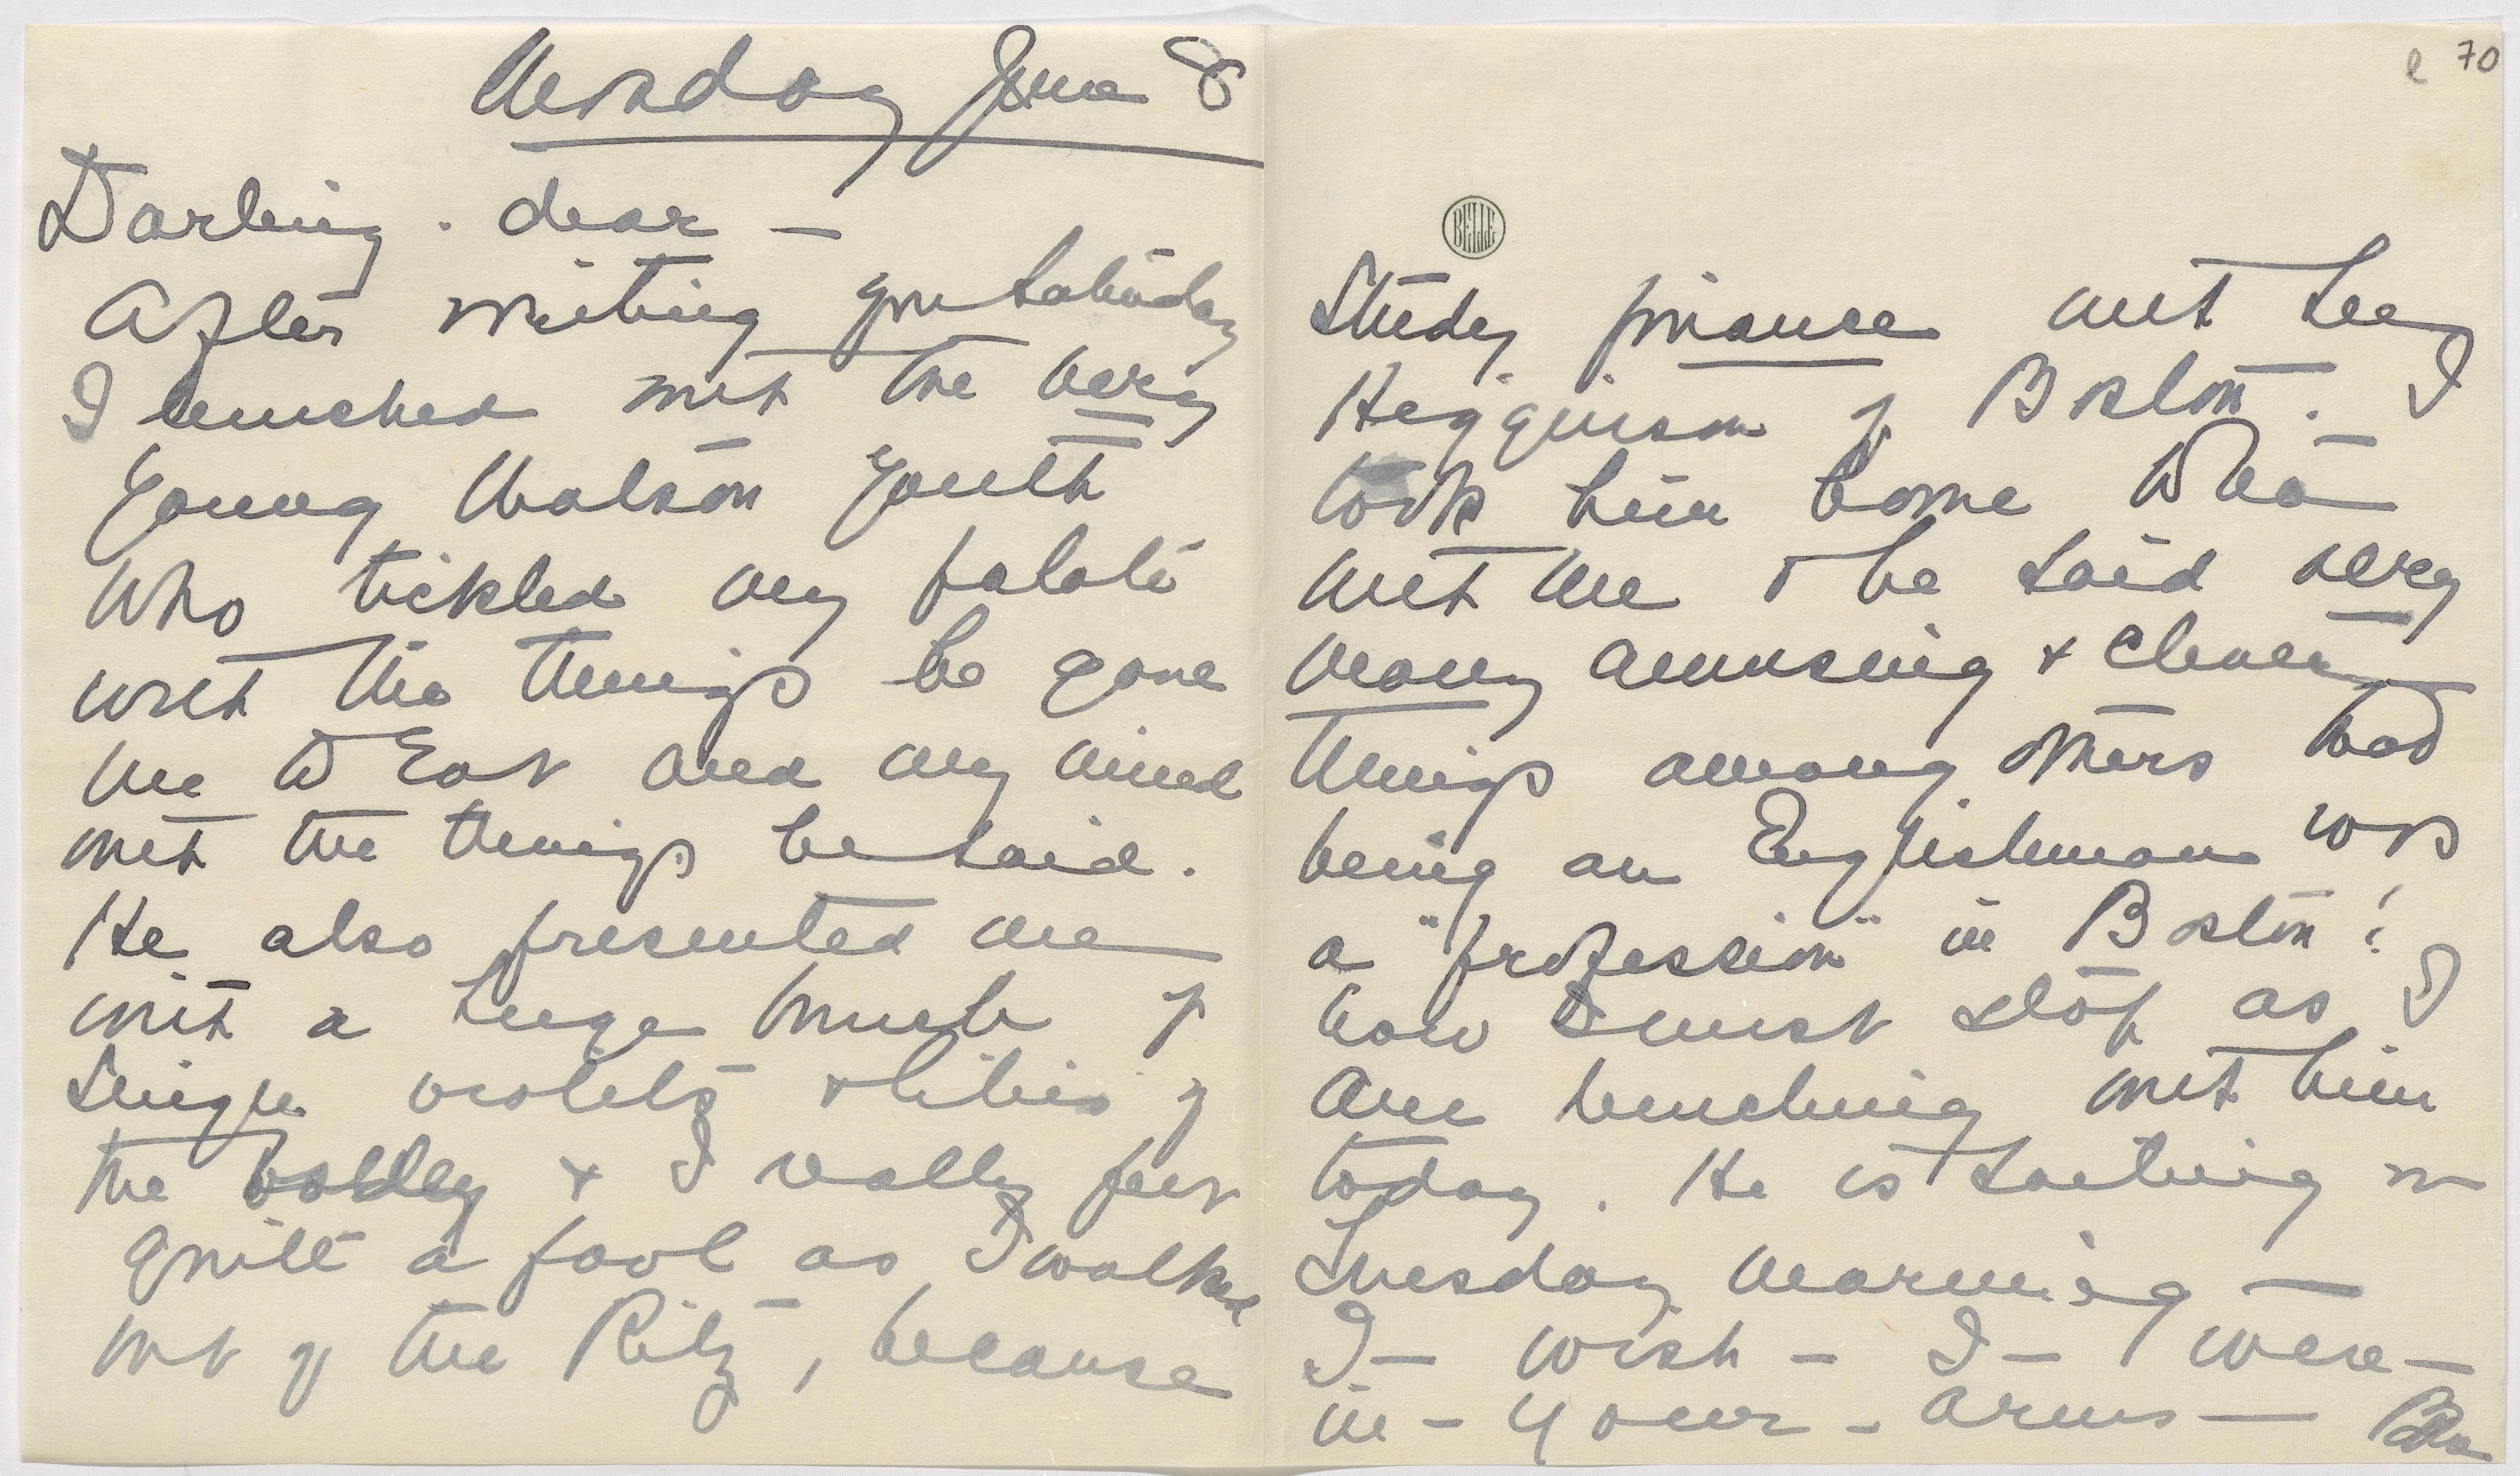study finance and see Higginson of Boston. I took him home to tea with me & he said very many amusing & clever things among others that being an Englishman was a “profession” in Boston! Now I must stop as I am lunching with him today. He is sailing on Tuesday morning – I – wish – I – were – in – your – arms – Belle
Monday June 8
Darling dear –
After writing you Saturday I lunched with the [double underlined: very] young Watson youth who tickled my palate with the things he gave me to eat and my mind with the things he said. He also presented me with a huge bunch of single violets & lilies of the valley & I really feel quite a fool as I walked out of the Ritz, because